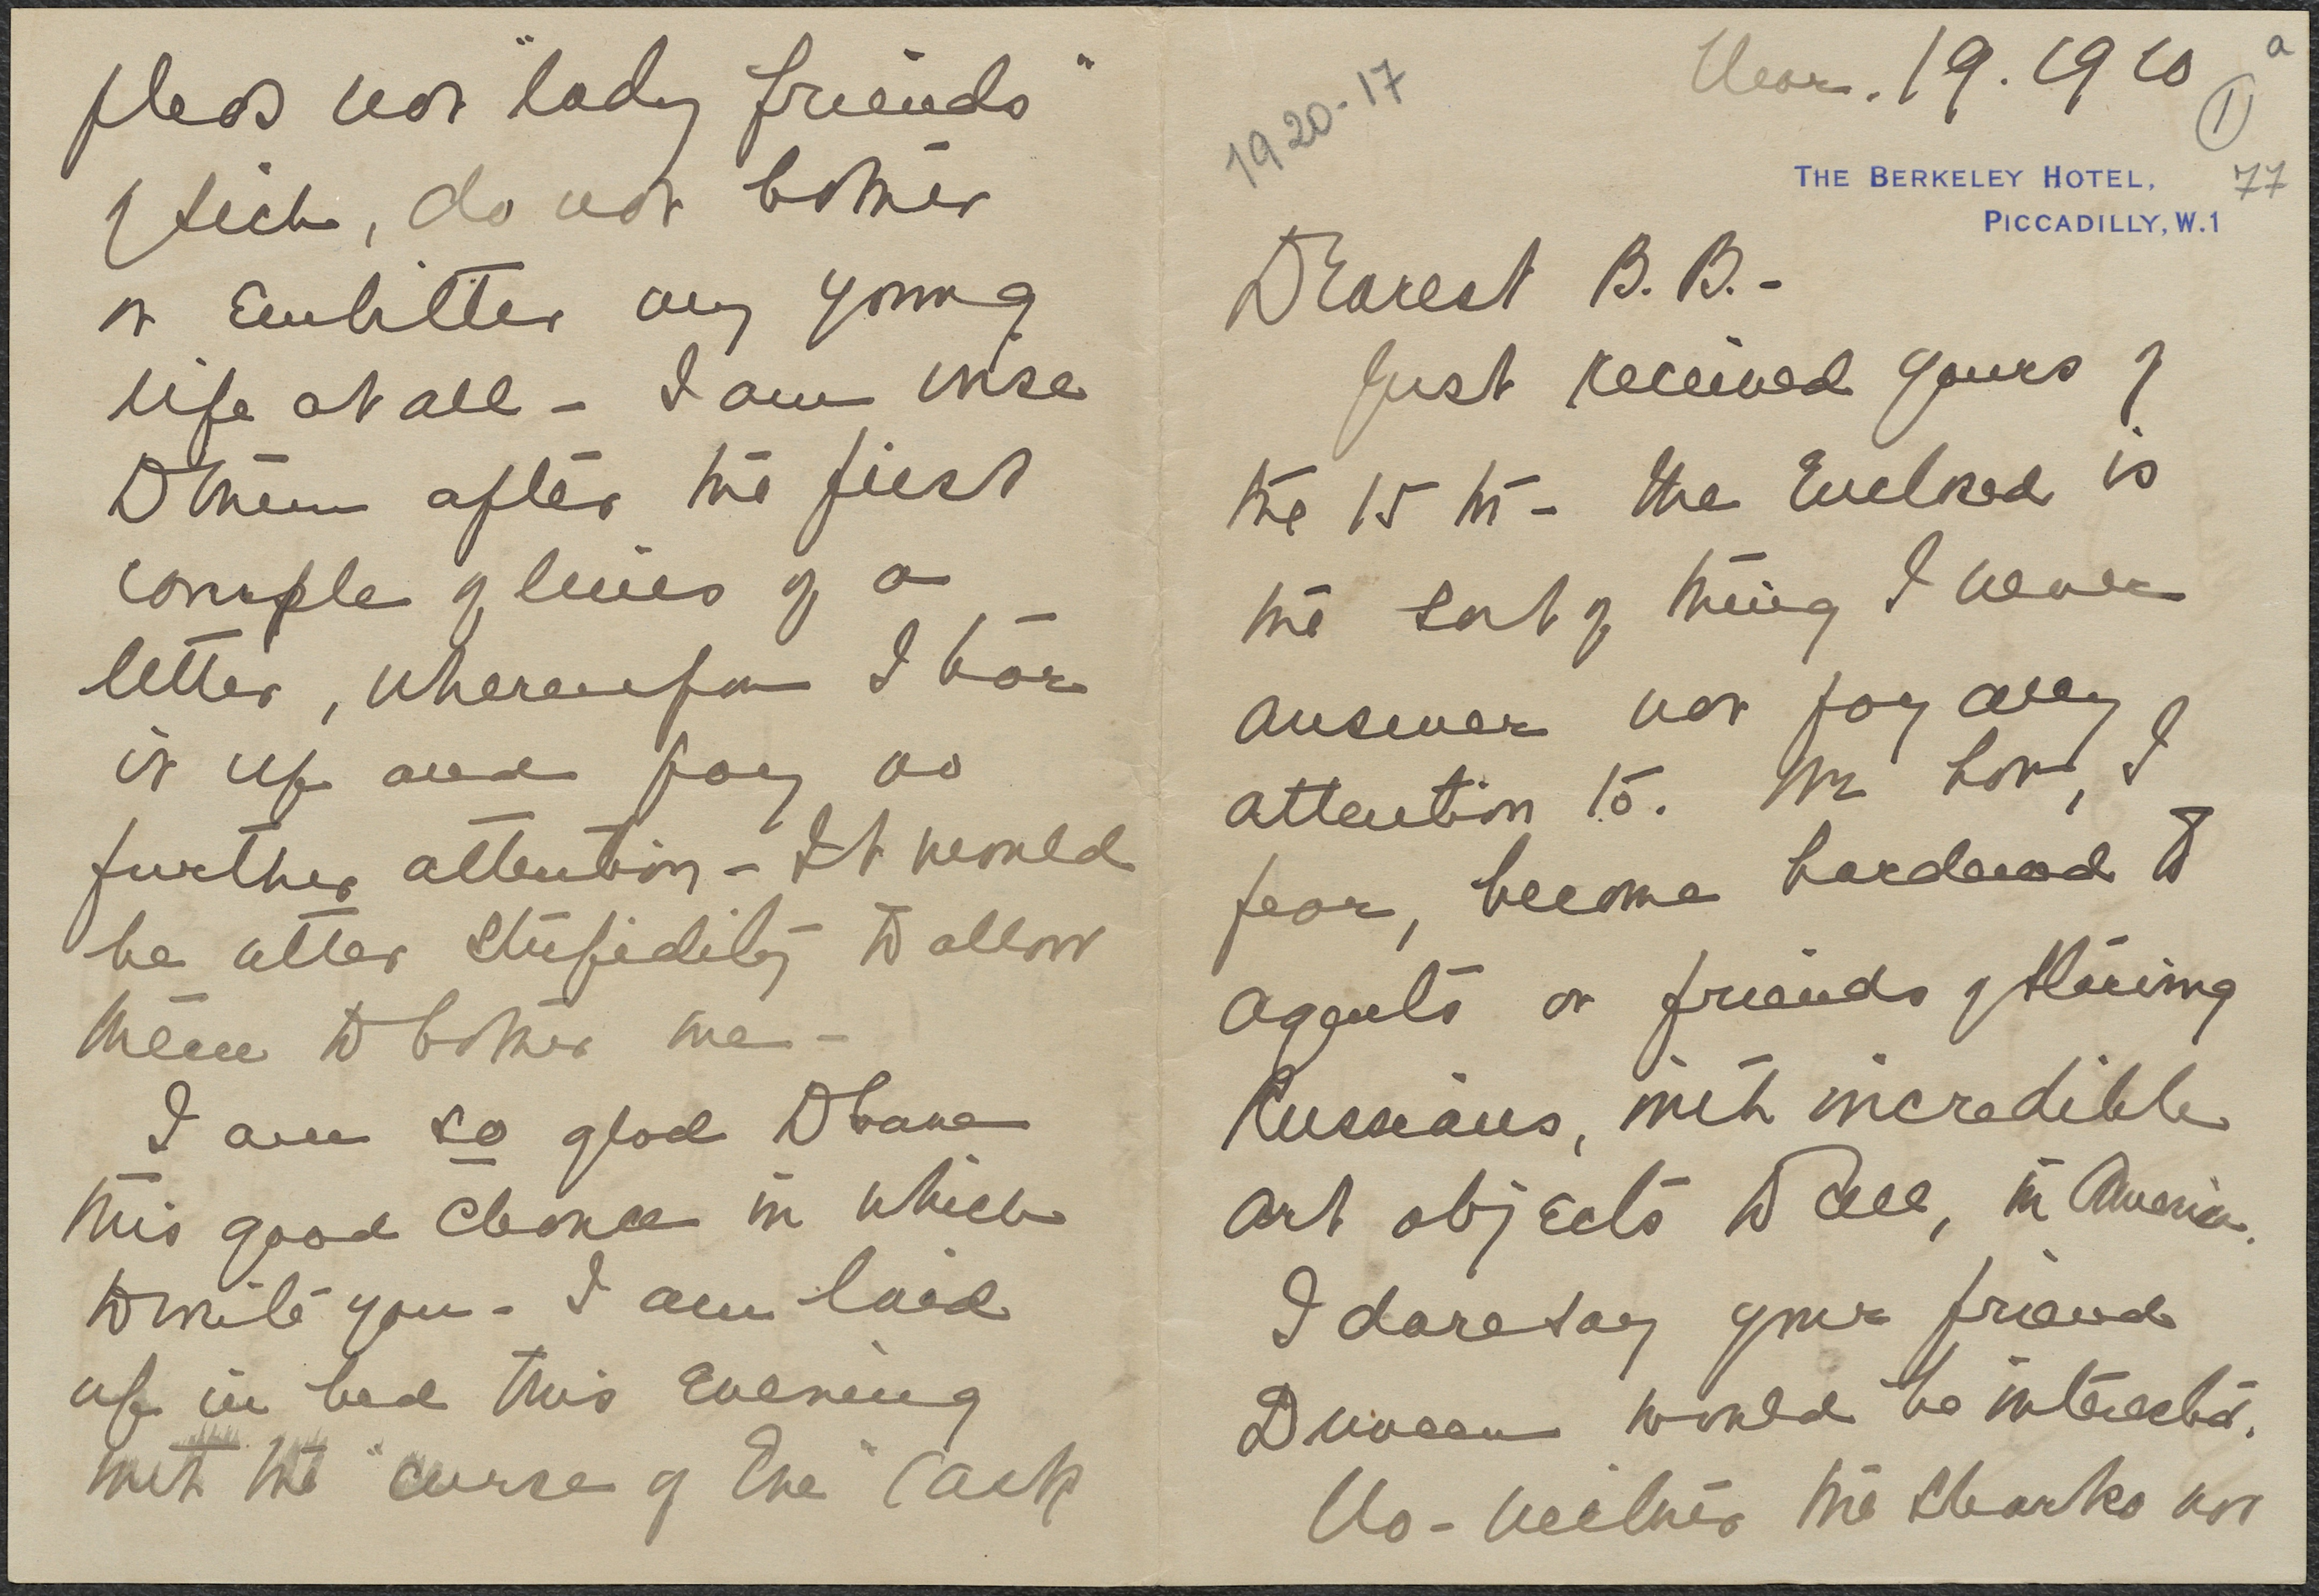Mar. 19. 1920
Dearest B.B. –
Just received yours of the 15th – the enclosed is the sort of thing I never answer nor pay any attention to. We have, I fear, become hardened to agents or friends of staring Russians, with incredible art objects to sell, in America. I daresay your friend Duveen would be interested. No – neither the sharks nor
fleas nor "lady friends" which, do not bother or embitter my young life at all – I am wise to them after the first couple of lines of a letter, whereupon I tear it up and pay no further attention – It would be utter stupidity to allow them to bother me –
I am so glad to have this good chance in which to write you – I am laid up in bed this evening with the "curse of Eve" (ask